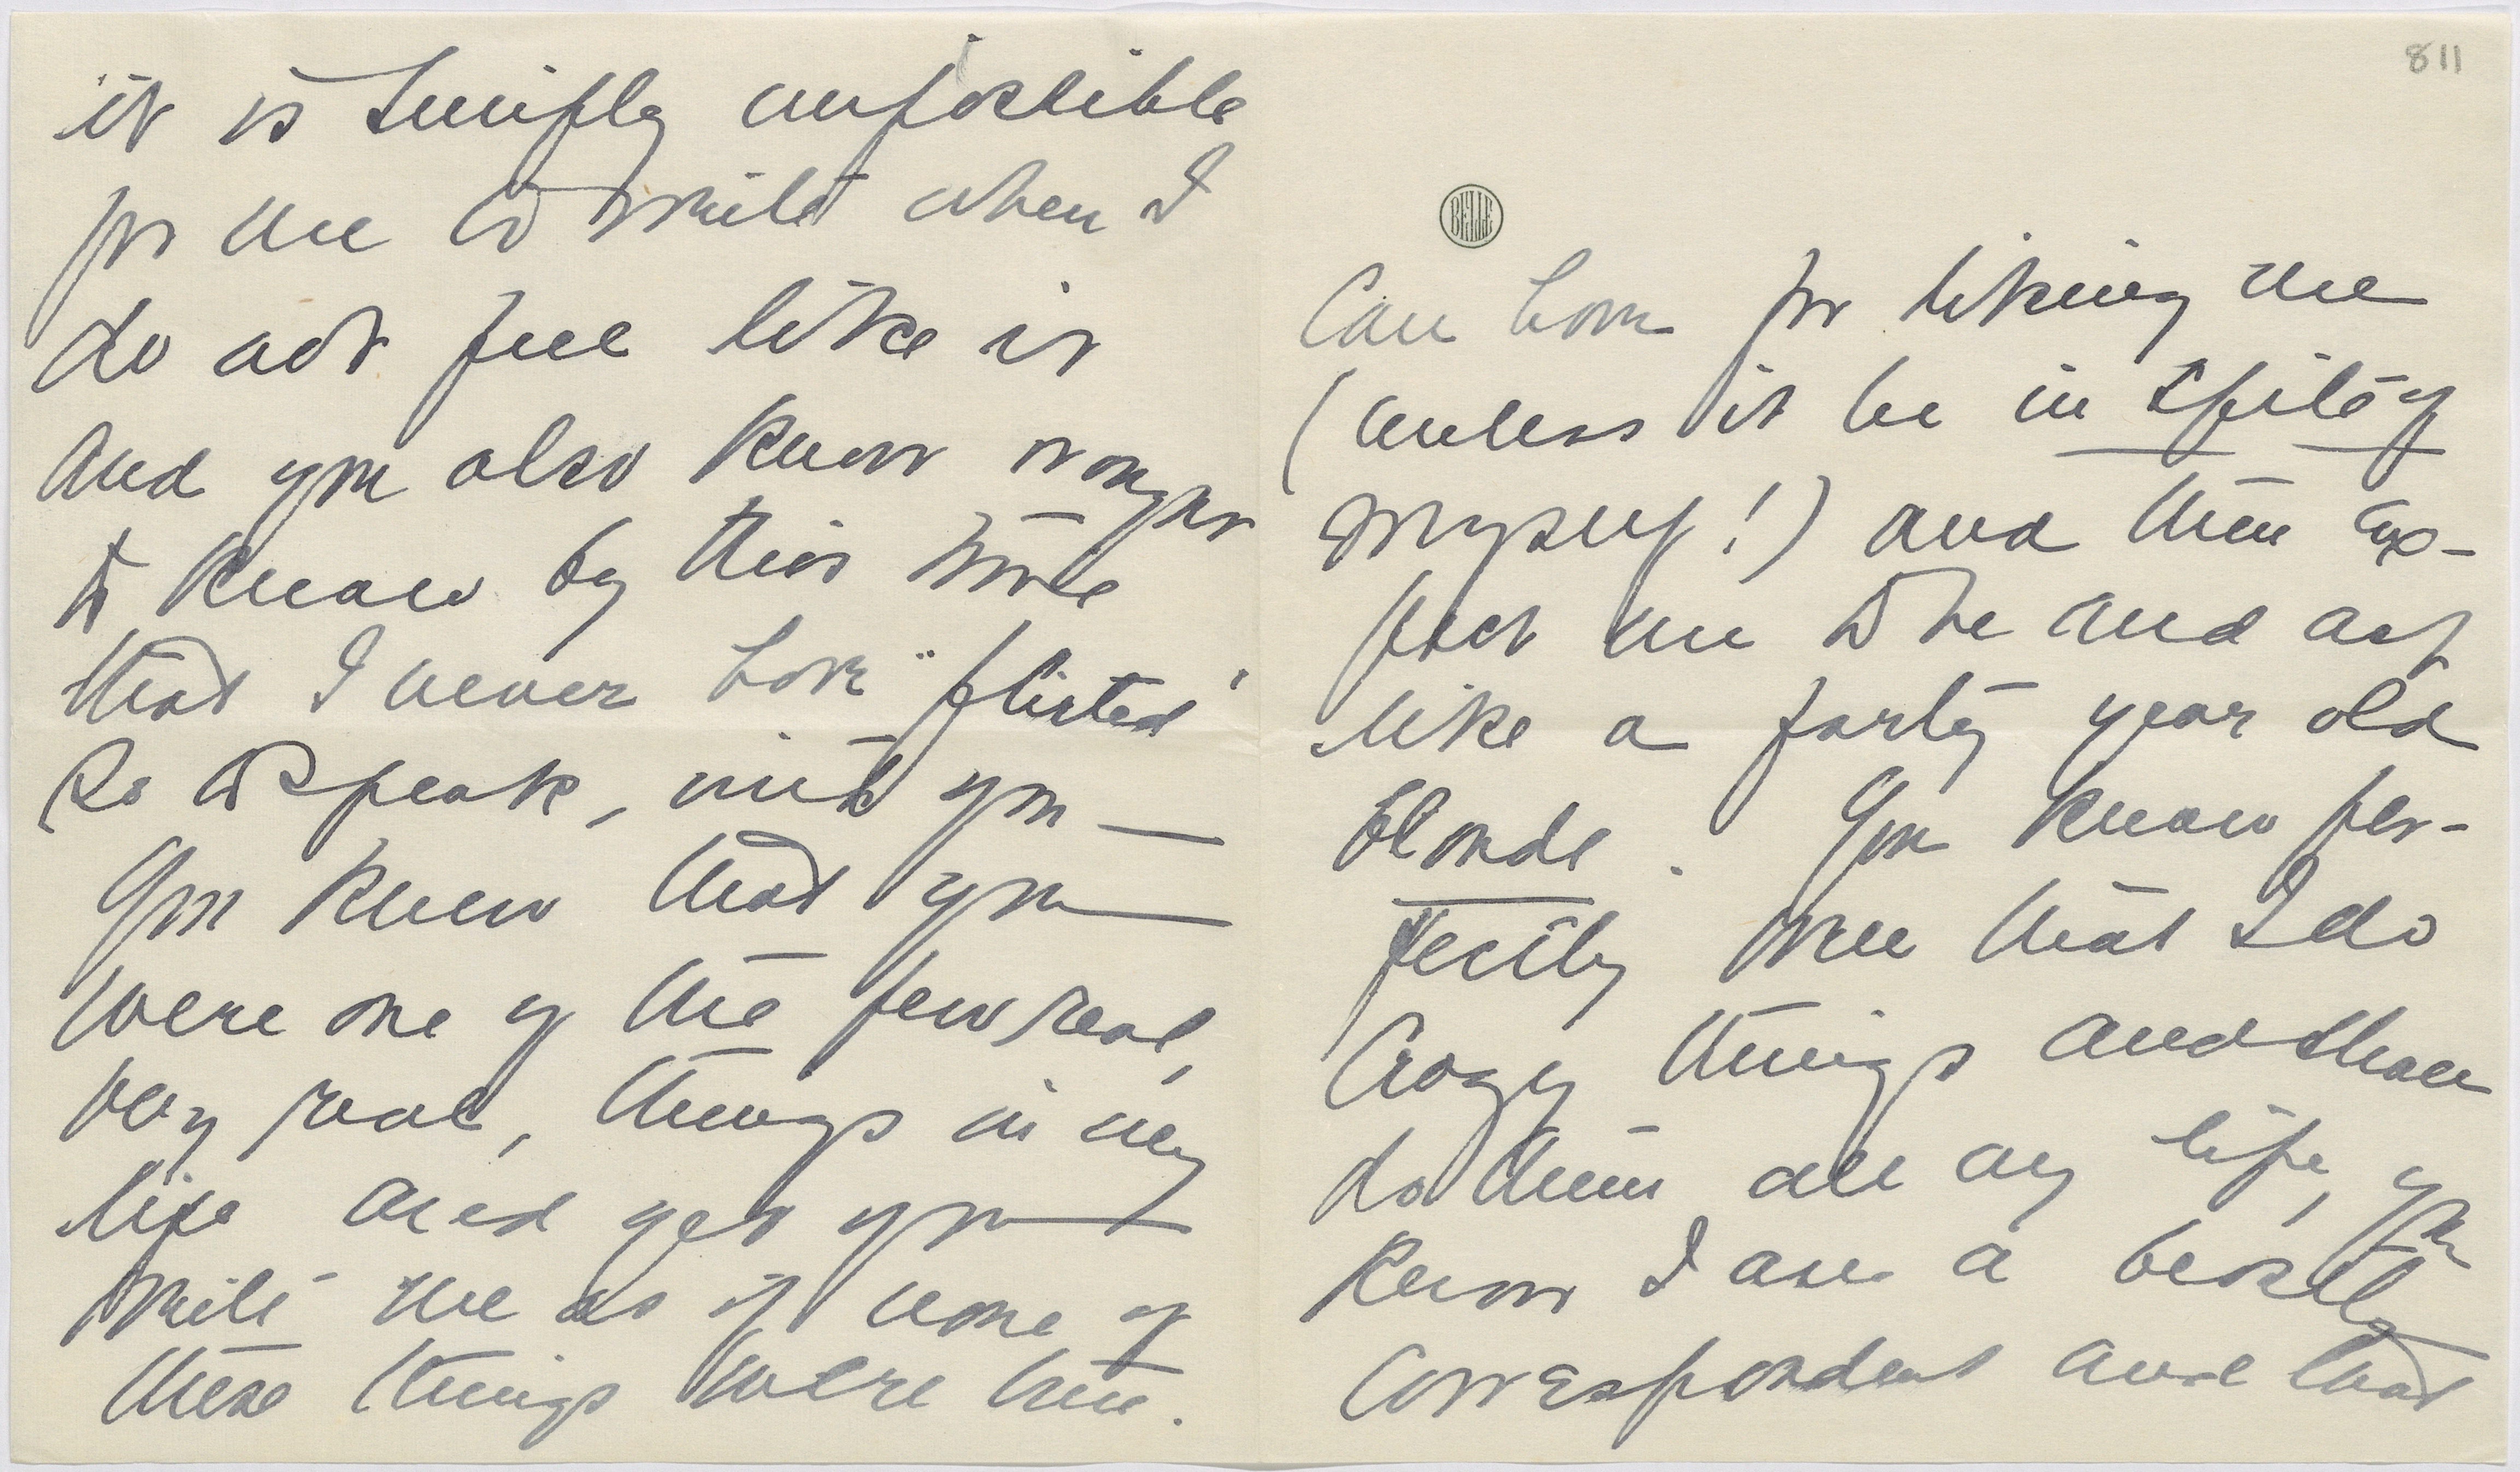can have for liking me (unless it be in spite of myself!) and then expect me to be and act like a forty year old blonde. You know perfectly well that I do crazy things and shall do them all my life, you know I am a beastly correspondent and that
it is simply impossible for me to write when I do not feel like it and you also know or ought to know by this time that I never have “flirted” so to speak, with you –
You knew that you were one of the few real, very real, things in my life and yet you write me as if none of these things were true.